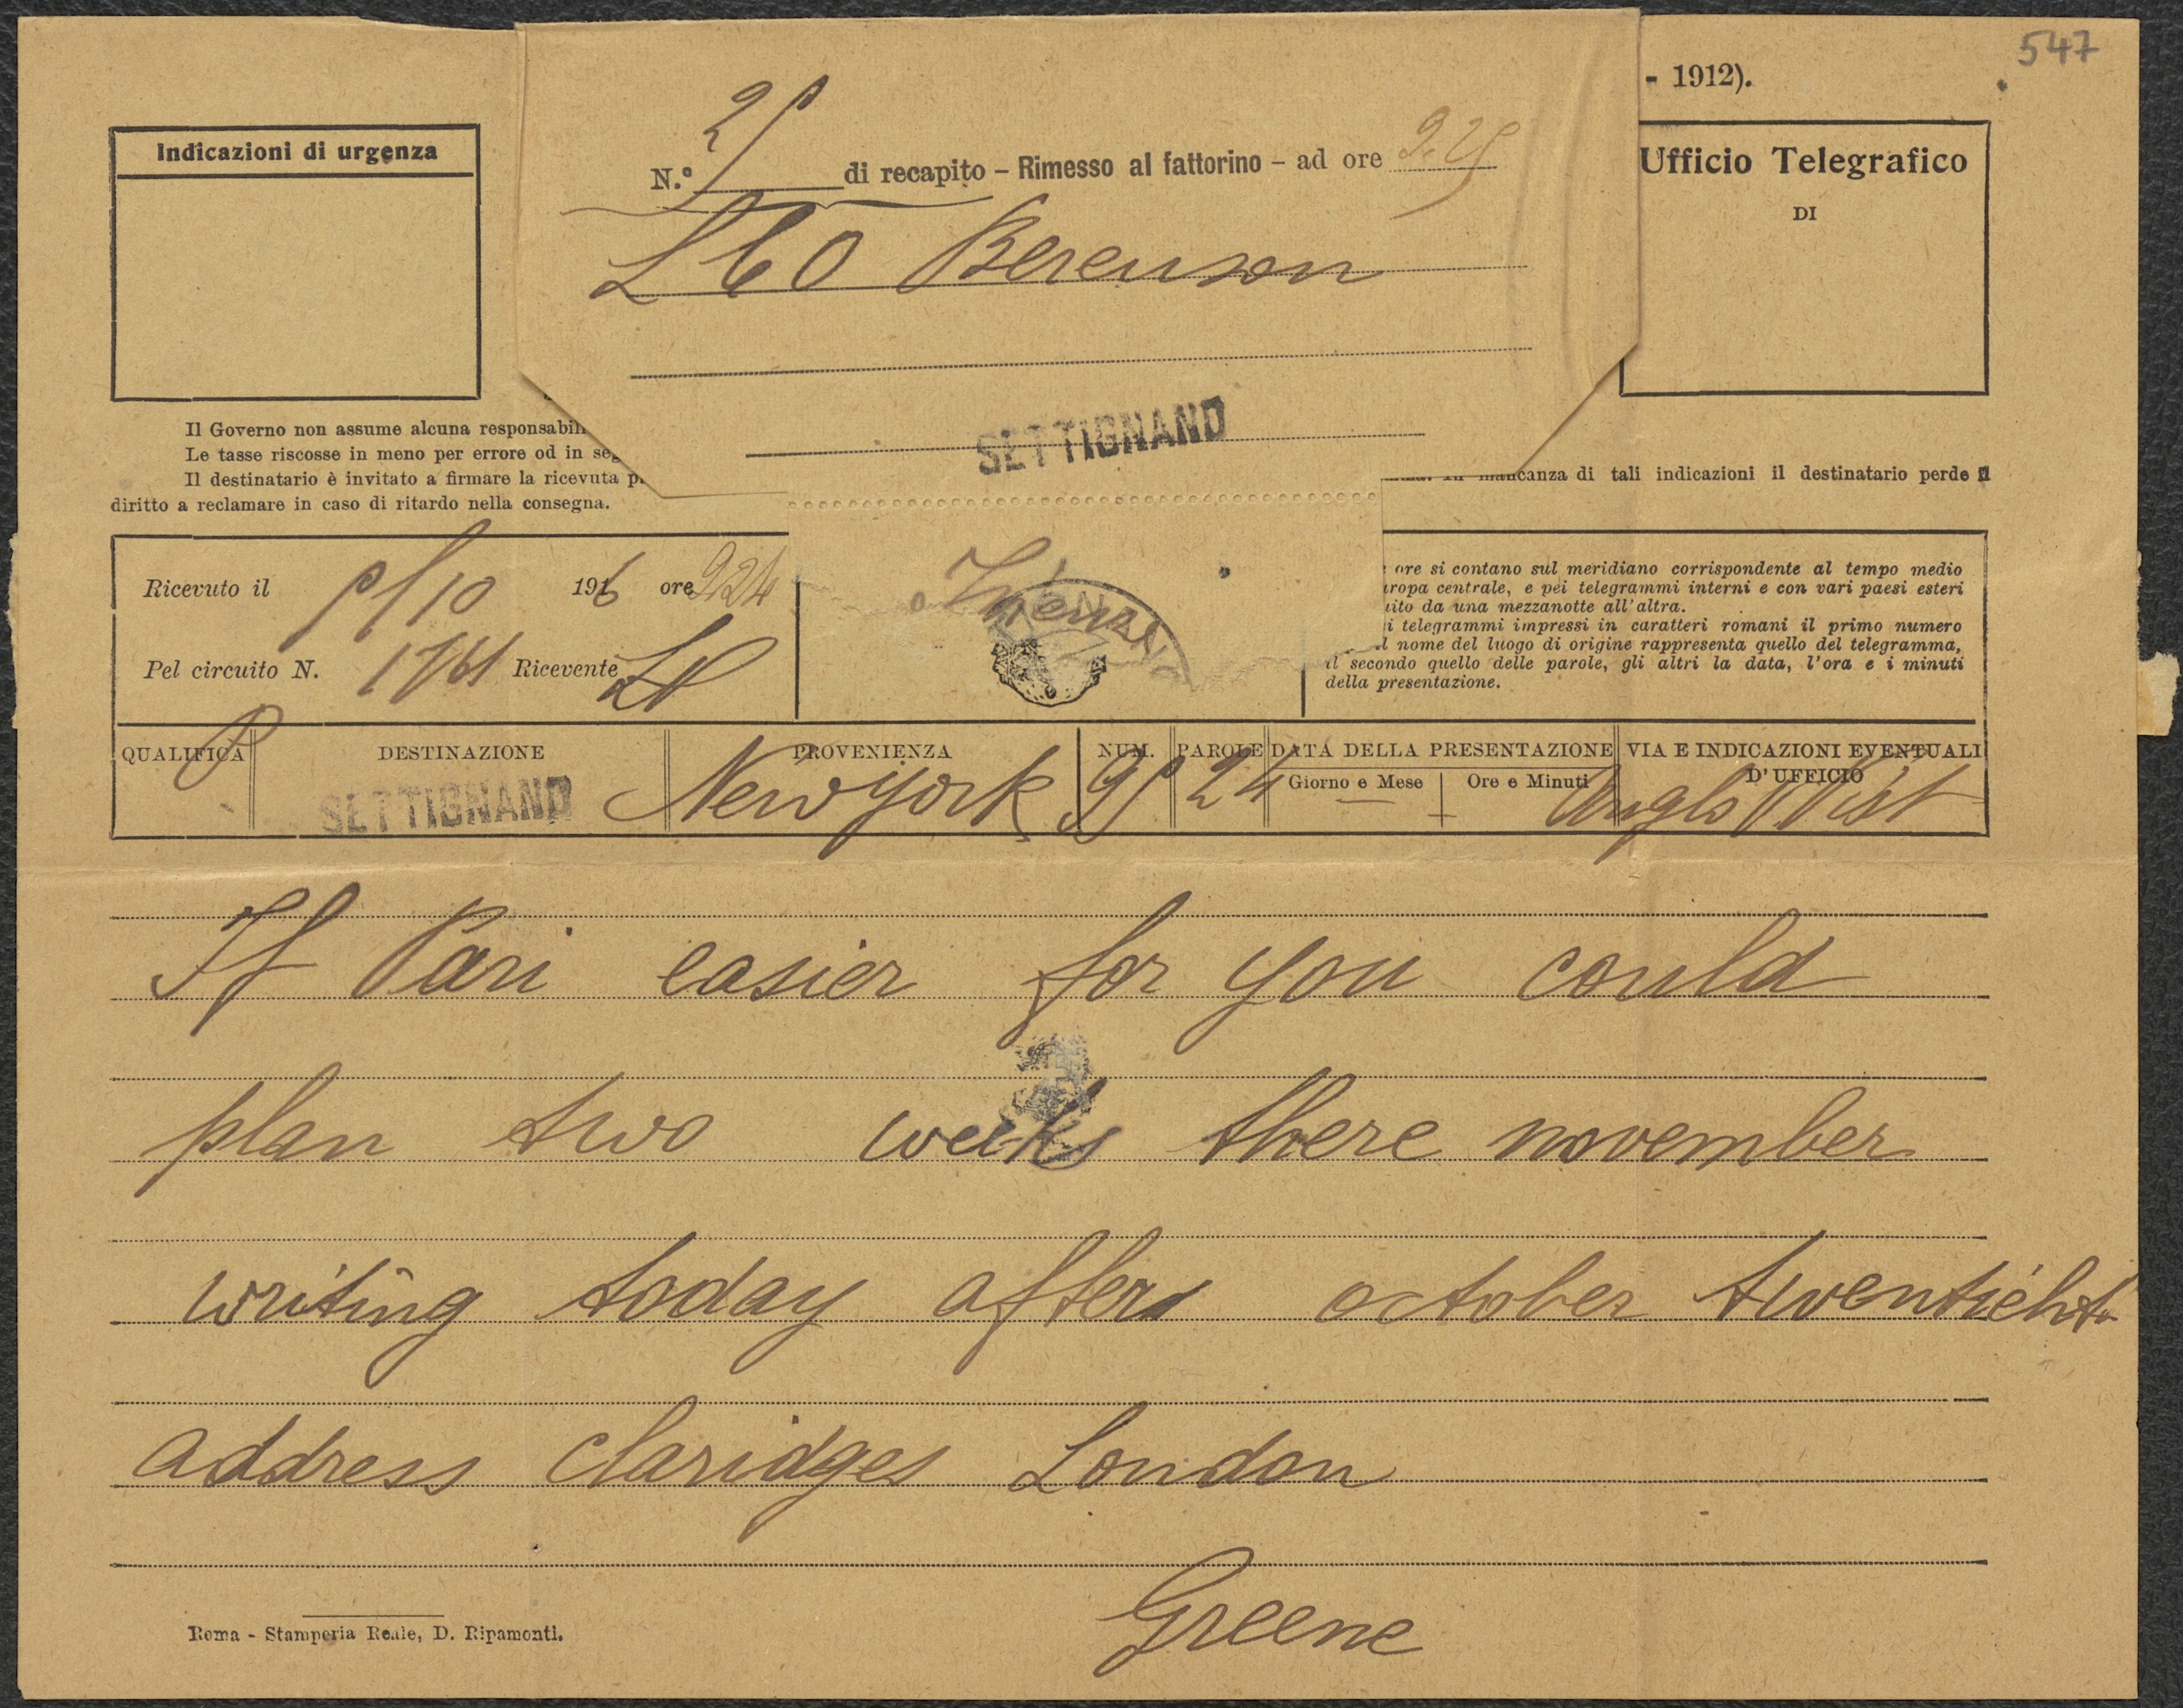If Pari[s] easier for you could plan two weeks there november writing today after october seventeenth address claridges London
Greene